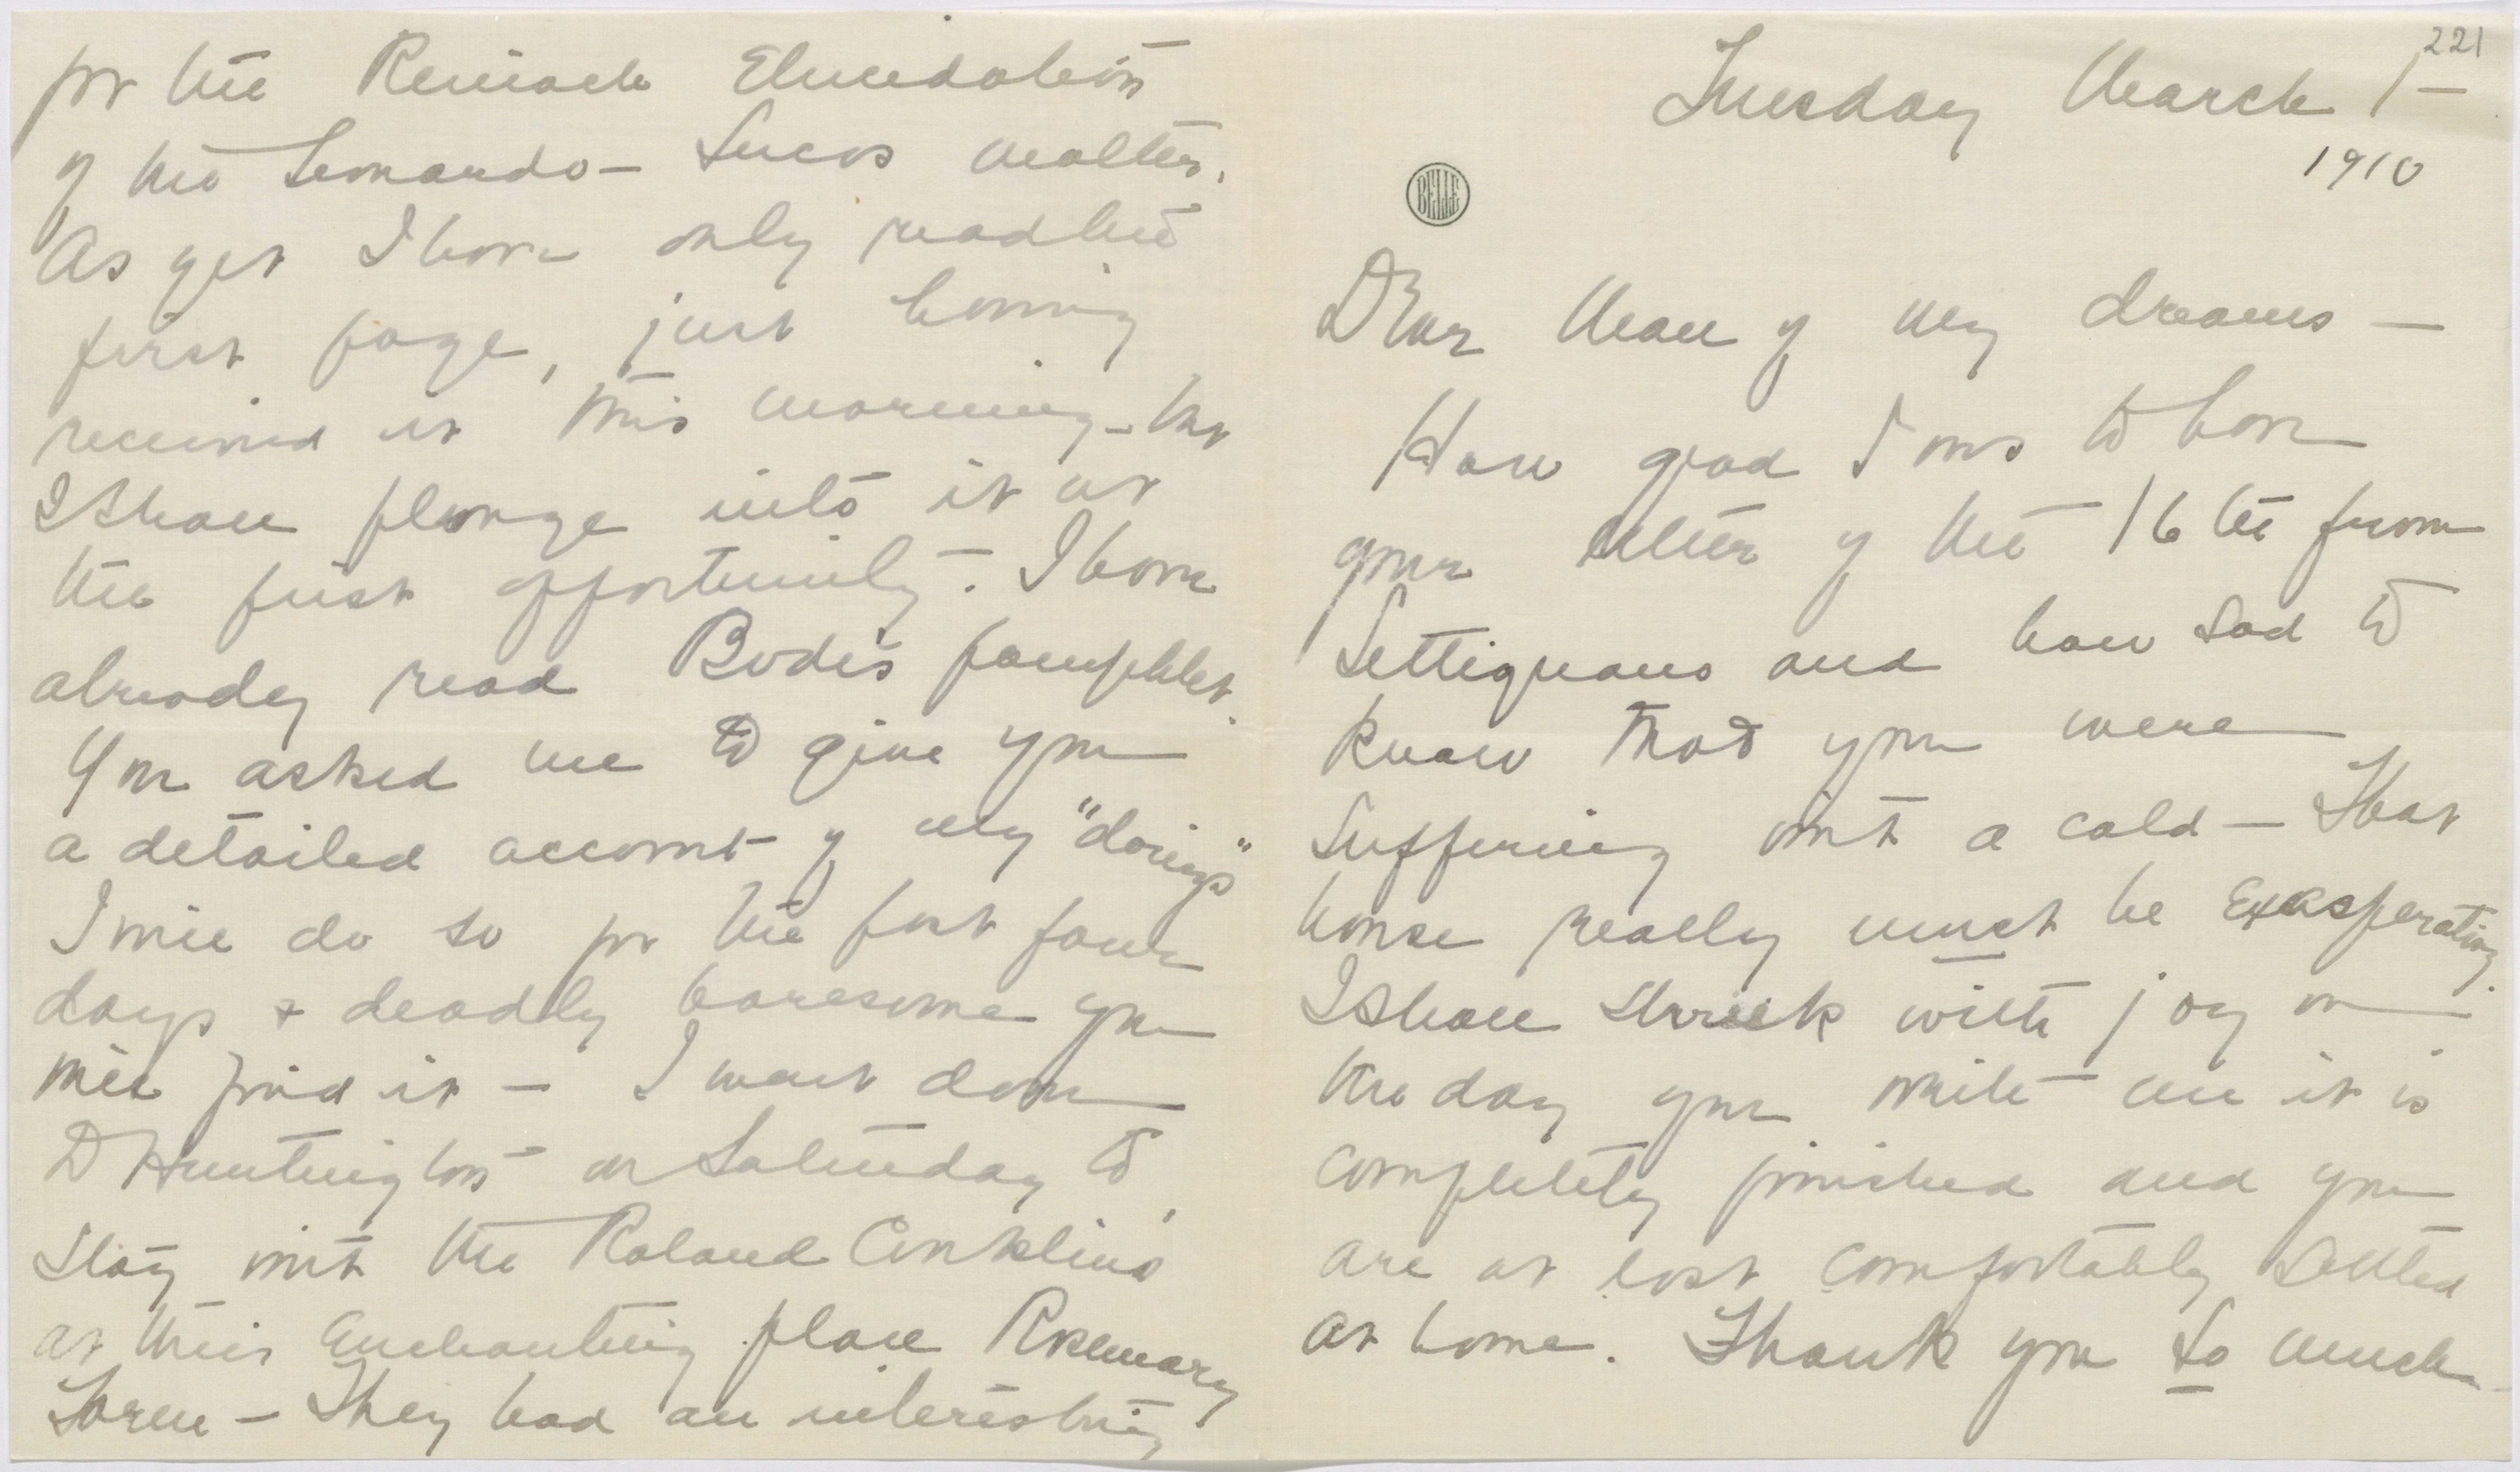Tuesday March 1 –
Dear Man of my dreams –
How glad I was to have your letter of the 16th from Settignano and how sad to know that you were suffering with a cold – That house really must be exasperating. I shall shriek with joy on the day you write me it is completely finished and you are at last comfortably settled at home. Thank you so much
for the Reinach Elucidation of the Leonardo-Lucas matter. As yet I have only read the first page, just having received it this morning – but I shall plunge into it at the first opportunity. I have already read Bode’s pamphlet.
You asked me to give you a detailed account of my “doings” I will do so for the past four days & deadly boresome you will find it – I went down to Huntington on Saturday to stay with the Roland Conklin’s at their enchanting place Rosemary Farm – They had an interesting